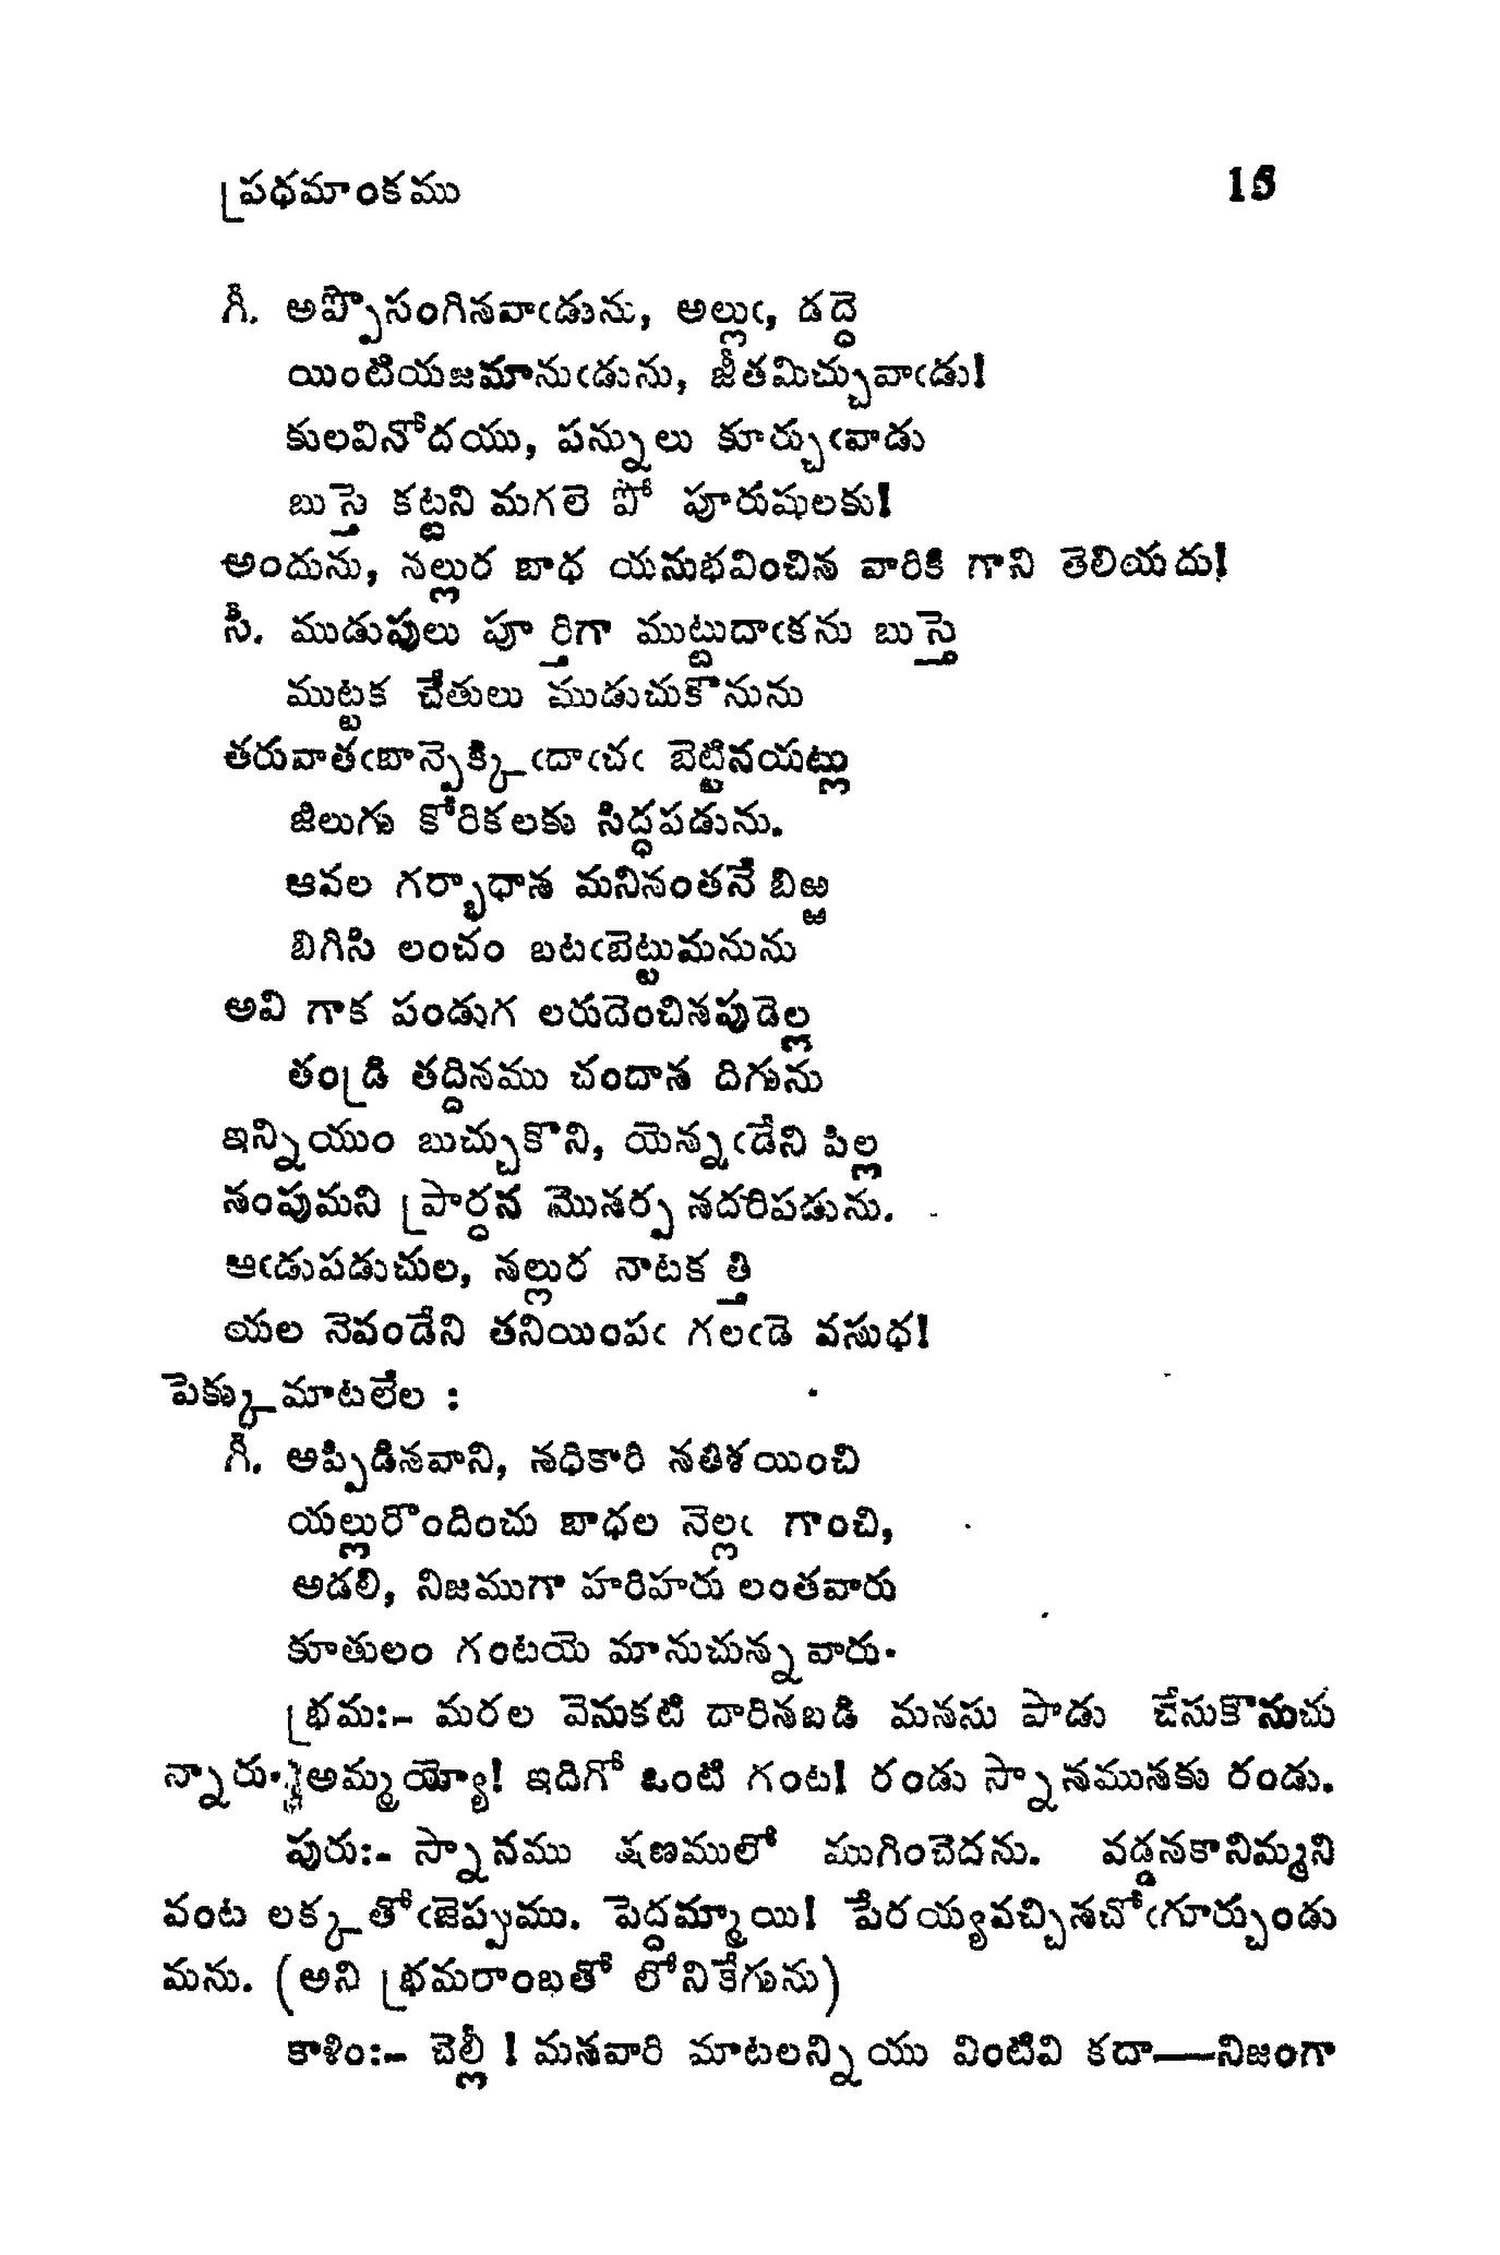గీ. అప్పొసంగినవాఁడును, అల్లుఁ, డద్దె
 యింటియజమానుఁడును, జీతమిచ్చువాఁడు!
 కులవినోదయు, పన్నులు కూర్చువాఁడు
 బుస్తె కట్టని మగలె పో పూరుషులకు!

అందును, నల్లుర బాధ యనుభవించిన వారికి గాని తెలియదు!

సీ. ముడుపులు పూర్తిగా ముట్టుదాఁకను బుస్తె
 ముట్టక చేతులు ముడిచికొనును
తరువాతఁబాన్పెక్కిఁదాఁచఁ బెట్టినయట్లు
 జిలుగు కోరికలకు సిద్ధపడును.
 ఆవల గర్భాధాన మనినంతనే బిఱ్ఱ
 బిగిసి లంచం బటఁబెట్టుమనును
అవి గాక పండుగు లరుదెంచినపుడెల్ల
 తండ్రి తద్దినము చందాన దిగును

ఇన్నియుం బుచ్చుకొని, యెన్నఁడేని పిల్ల
నంపుమని ప్రార్థన మొనర్ప నదరిపడును.
ఆఁడపడుచుల, నల్లుర నాటక త్తి
యల నెవండేని తనియింపఁ గలఁడె వసుధ!

పెక్కు మాటలేల:

గీ. అప్పిడినవాని, నధికారి నతిశయించి
 యల్లురొందించు బాధల నెల్లఁ గాంచి,
 అడలి, నిజముగా హరిహరు లంతవారు
 కూతులం గంటయె మానుచున్నవారు.

భ్రమ:- మరల వెనుకటి దారినబడి మనసు పాడు చేసికొనుచున్నారు. అమ్మయ్యో! ఇదిగో ఒంటి గంట! రండు స్నానమునకు రండు.

పురు:- స్నానము క్షణములో ముగించెదను. వడ్డనకానిమ్మని వంట లక్కతోఁజెప్పుము. పెద్దమ్మాయి! పేరయ్యవచ్చినచోఁగూర్చుండుమను. (అని భ్రమరాంభతో లోనికేగును)

కాళిం:- చెల్లీ! మనవారి మాటలన్నియు వింటివి కదా - నిజంగా